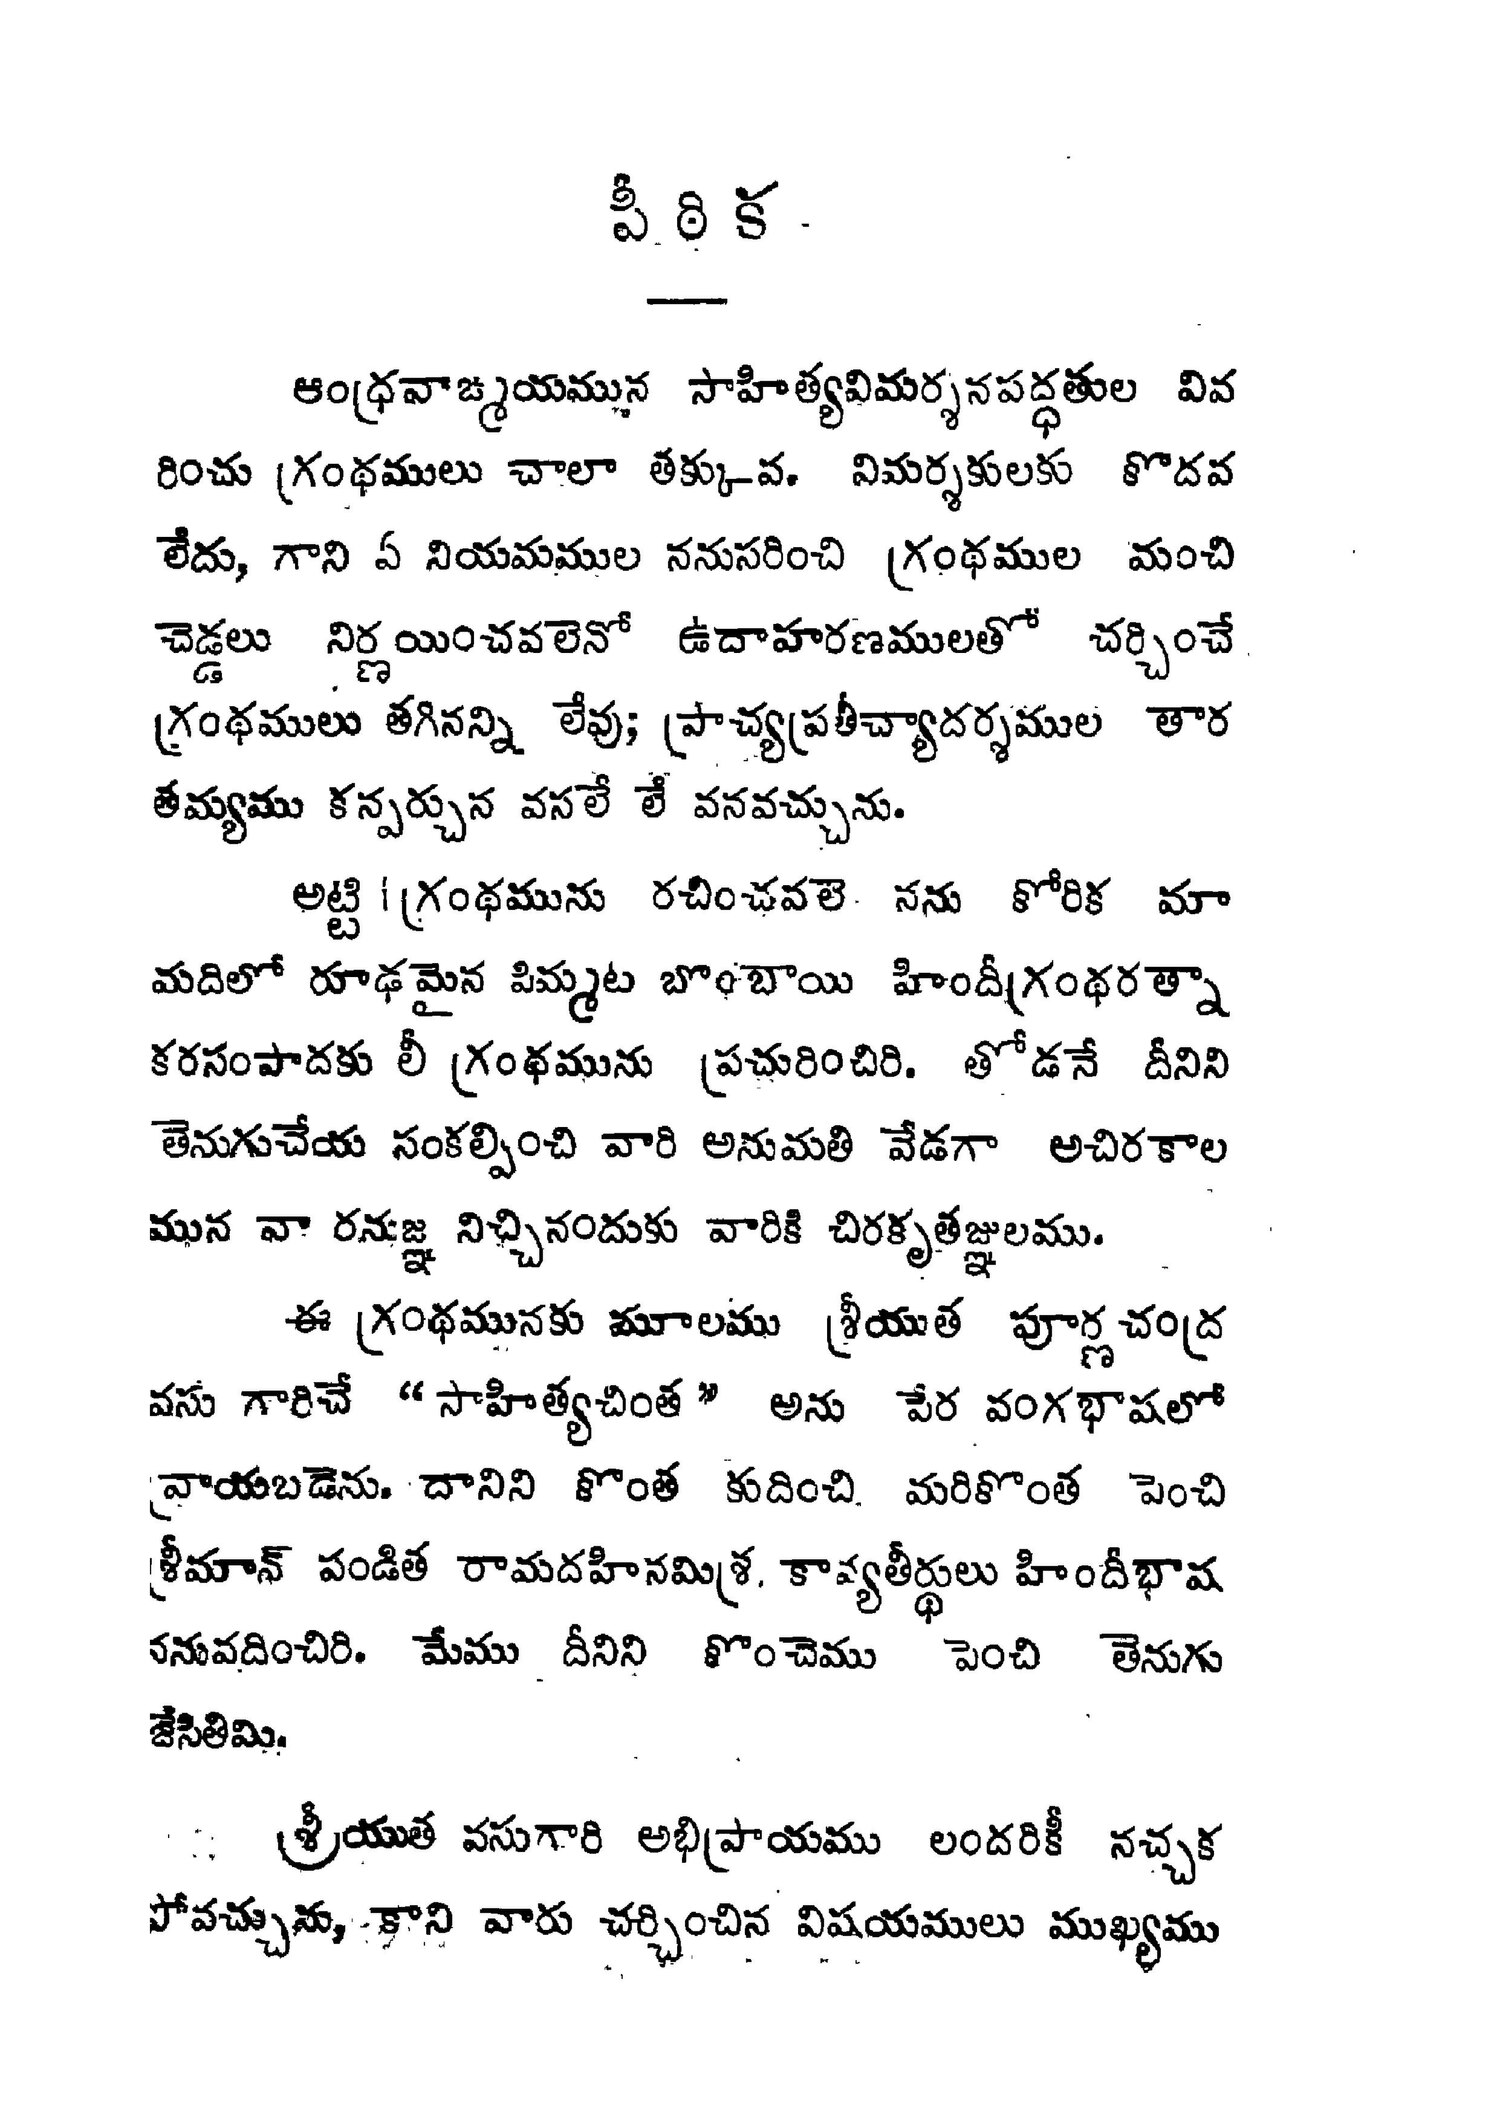ఆంధ్రవాఙ్మయమున సాహిత్యవిమర్శనపద్ధతుల వివరించు గ్రంథములు చాలా తక్కువ. విమర్శకులకు కొదవ లేదు, గానీ ఏ నియమముల ననుసరించి గ్రంథముల మంచి చెడ్డలు నిర్ణయించవలెనో ఉదాహరణములతో చర్చించే గ్రంథములు తగినన్ని లేవు; ప్రాచ్యప్రతీచ్యాదర్శముల తార తమ్యము కన్పర్చున వసలే లే వనవచ్చును.

అట్టి గ్రంథమును రచించవలె నను కోరిక మా మదిలో రూఢమైన పిమ్మట బొంబాయి హిందీగ్రంథరత్నాకరసంపాదకు లీ గ్రంథమును ప్రచురించిరి. తోడనే దీనిని తెనుగుచేయ సంకల్పించి వారి అనుమతి వేడగా అచిరకాలమున వారనుజ్ఞ నిచ్చినందుకు వారికి చిరకృతజ్ఞులము.

ఈ గ్రంథమునకు మూలము శ్రీయుత పూర్ణచంద్రవసు గారిచే "సాహిత్యచింత" అను పేర వంగభాషలో వ్రాయబడెను. దానిని కొంత కుదించి మరికొంత పెంచి శ్రీమాన్ పండిత రామదహినమిశ్ర, కావ్యతీర్థులు హిందీబాష ననువదించిరి. మేము దీనిని కొంచెము పెంచి తెనుగు జేసితిమి.

శ్రీయుత వసుగారి అభిప్రాయము లందరికీ నచ్చక పోవచ్చును, కాని వారు చర్చించిన విషయములు ముఖ్యము